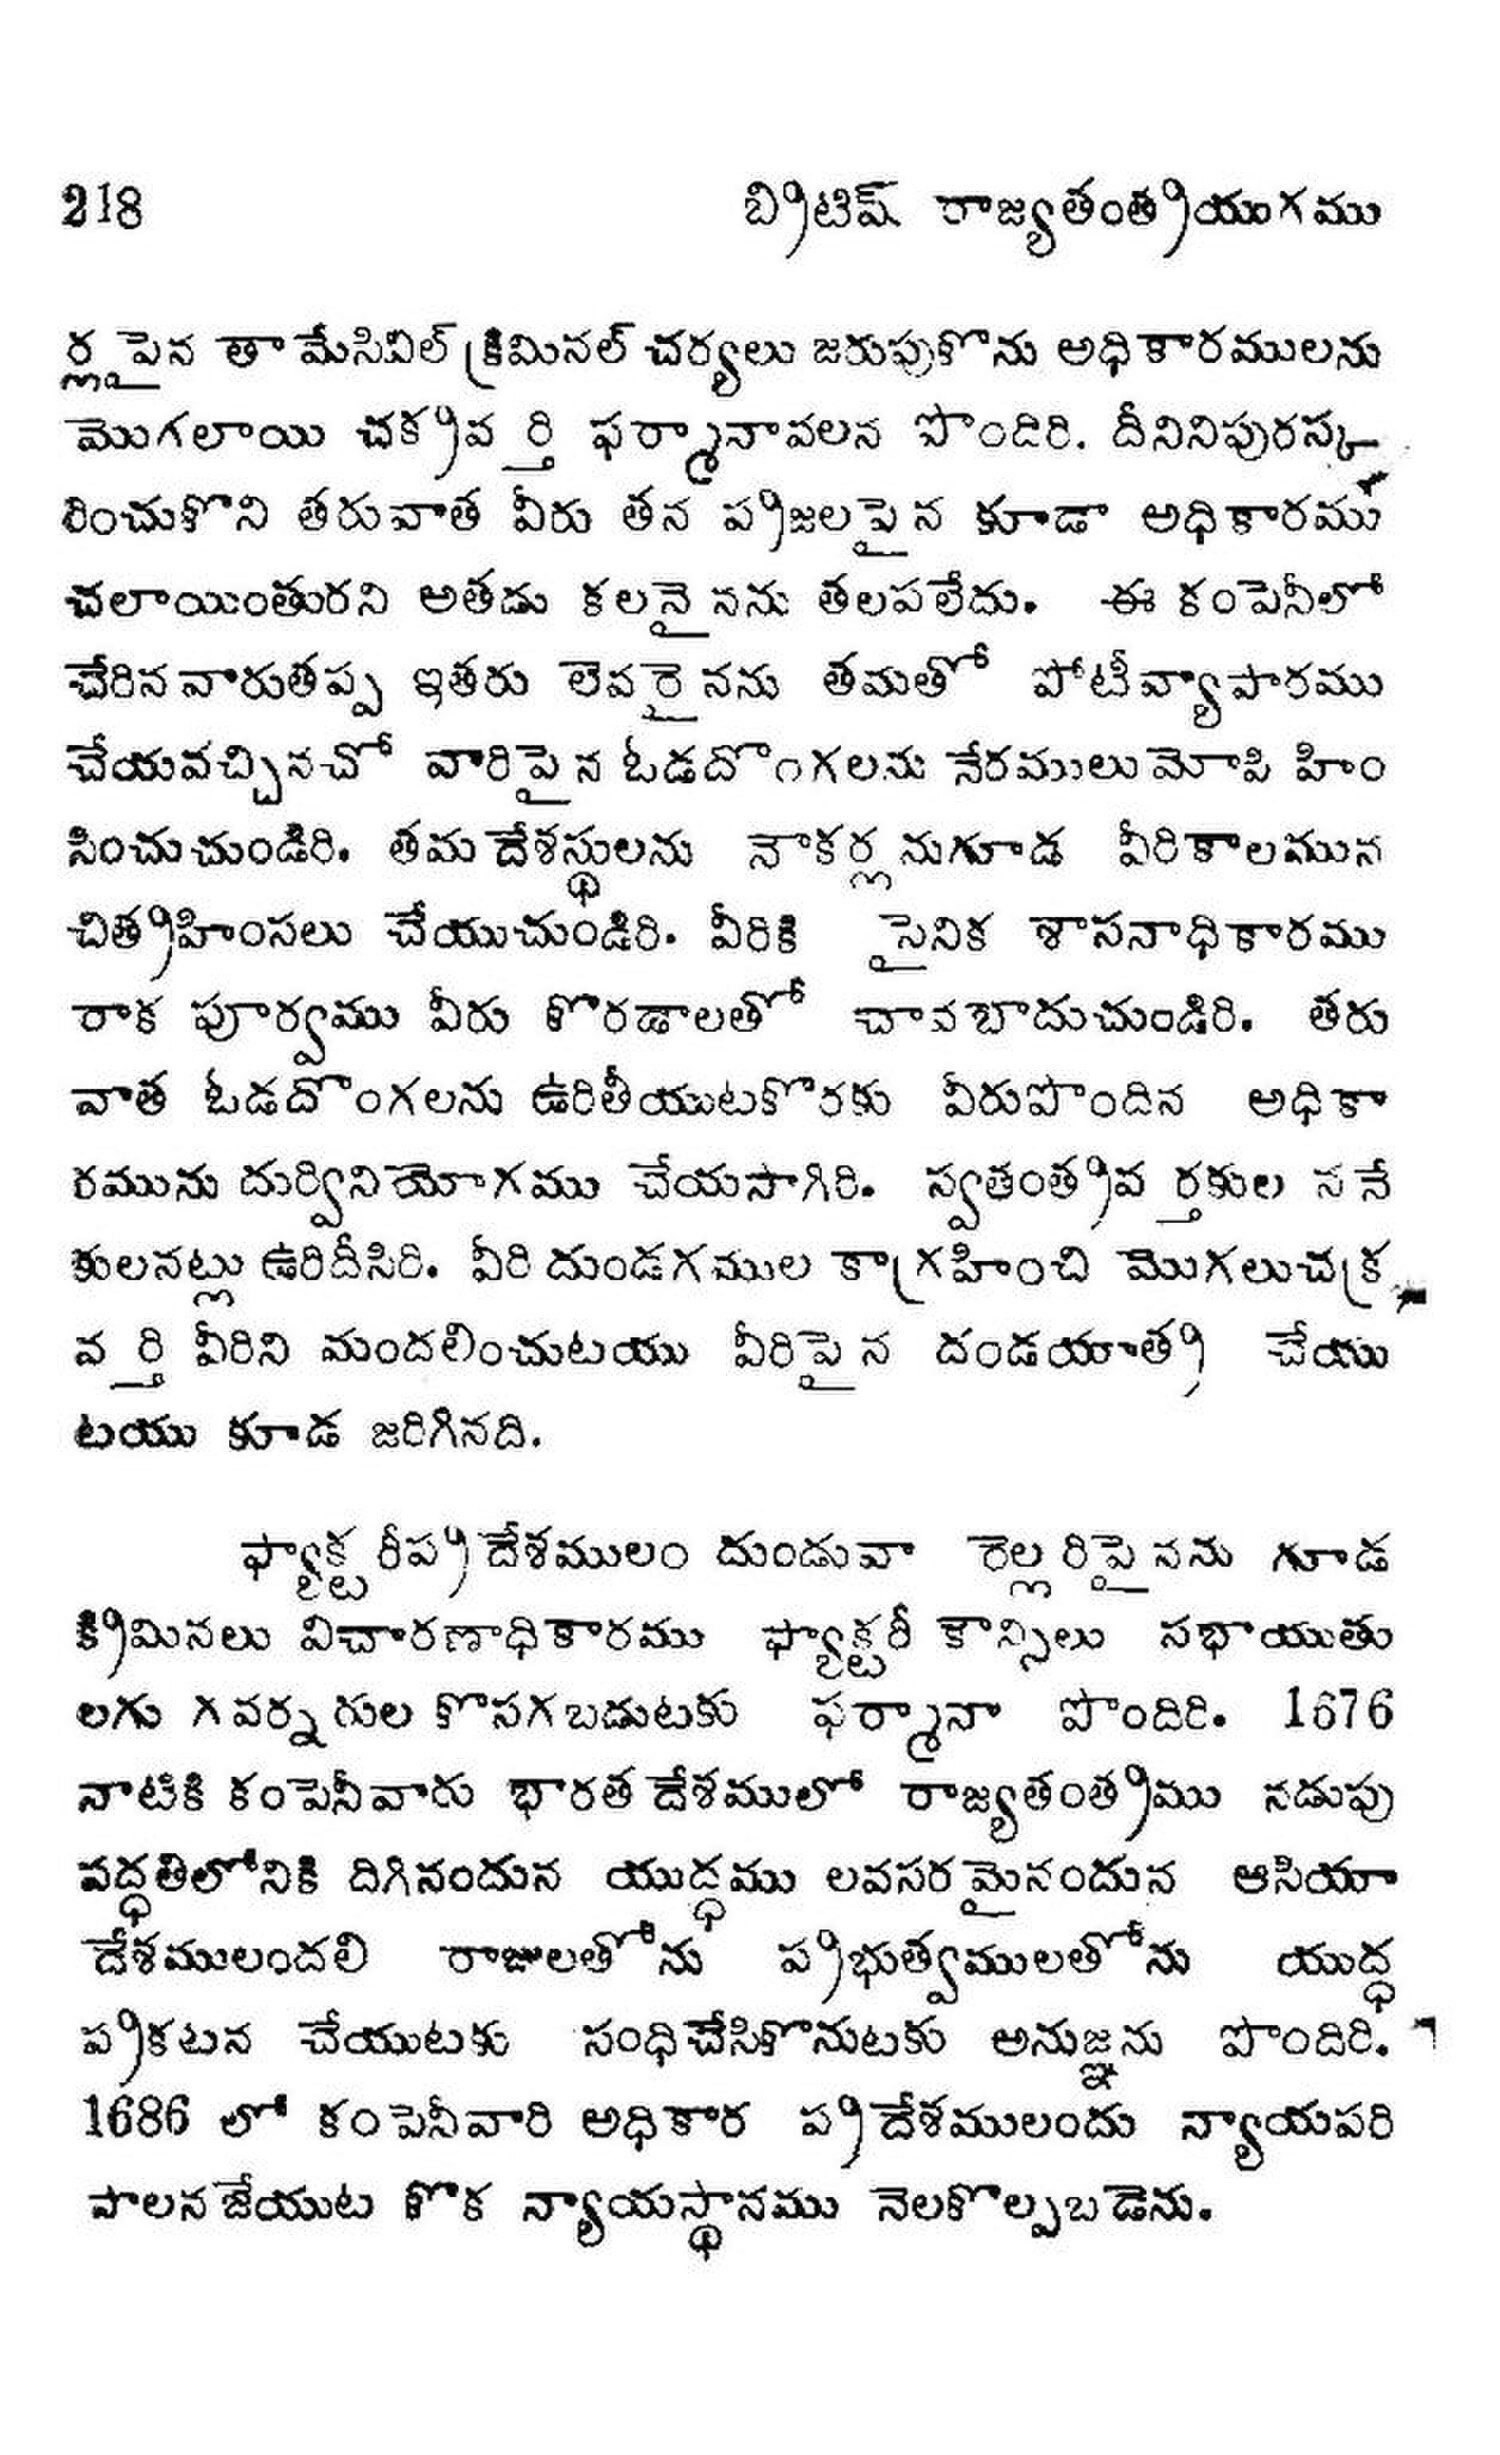ర్లపైన తామేసివిల్ క్రిమినల్ చర్యలు జరుపుకొను అధికారములను మొగలాయి చక్రవర్తి ఫర్మానా వలన పొందిరి. దీనిని పురస్కరించుకొని తరువాత వీరు తన ప్రజలపైన కూడా అధికారము చలాయింతురని అతడు కలనైనను తలపలేదు. ఈ కంపెనీలో చేరిన వారుతప్ప ఇతరు లెవరైనను తమతో పోటీవ్యాపారము చేయవచ్చినచో వారిపైన ఓడదొంగలను నేరములుమోపి హింసించుచుండిరి. తమదేశస్థులను నౌకర్లనుగూడ వీరికాలమున చిత్రహింసలు చేయుచుండిరి. వీరికి సైనిక శాసనాధికారము రాక పూర్వము వీరు కొరడాలతో చావబాదుచుండిరి. తరువాత ఓడదొంగలను ఉరితీయుటకొరకు వీరుపొందిన అధికారమును దుర్వినియోగము చేయసాగిరి. స్వతంత్రవర్తకుల ననేకులనట్లు ఉరిదీసిరి. వీరి దుండగముల కాగ్రహించి మొగలుచక్రవర్తి వీరిని మందలించుటయు వీరిపైన దండయాత్ర చేయుటయు కూడ జరిగినది.

ఫ్యాక్టరీప్రదేశములం దుండువా రెల్లరిపైనసు గూడ క్రిమినలు విచారణాధికారము ఫ్యాక్టరీ కౌన్సిలు సభాయుతులగు గవర్నరుల కొసగబడుటకు ఫర్మానా పొందిరి. 1676 నాటికి కంపెనీవారు భారతదేశములో రాజ్యతంత్రము నడుపు పద్దతిలోనికి దిగినందున యుద్ధము లవసరమైనందున ఆసియా దేశములందలి రాజులతోను ప్రభుత్వములతోను యుద్ధప్రకటన చేయుటకు సంధి చేసికొనుటకు అనుజ్ఞను పొందిరి. 1686 లో కంపెనీవారి అధికార ప్రదేశములందు న్యాయపరిపాలనజేయుట కొక న్యాయస్థానము నెలకొల్పబడెను.